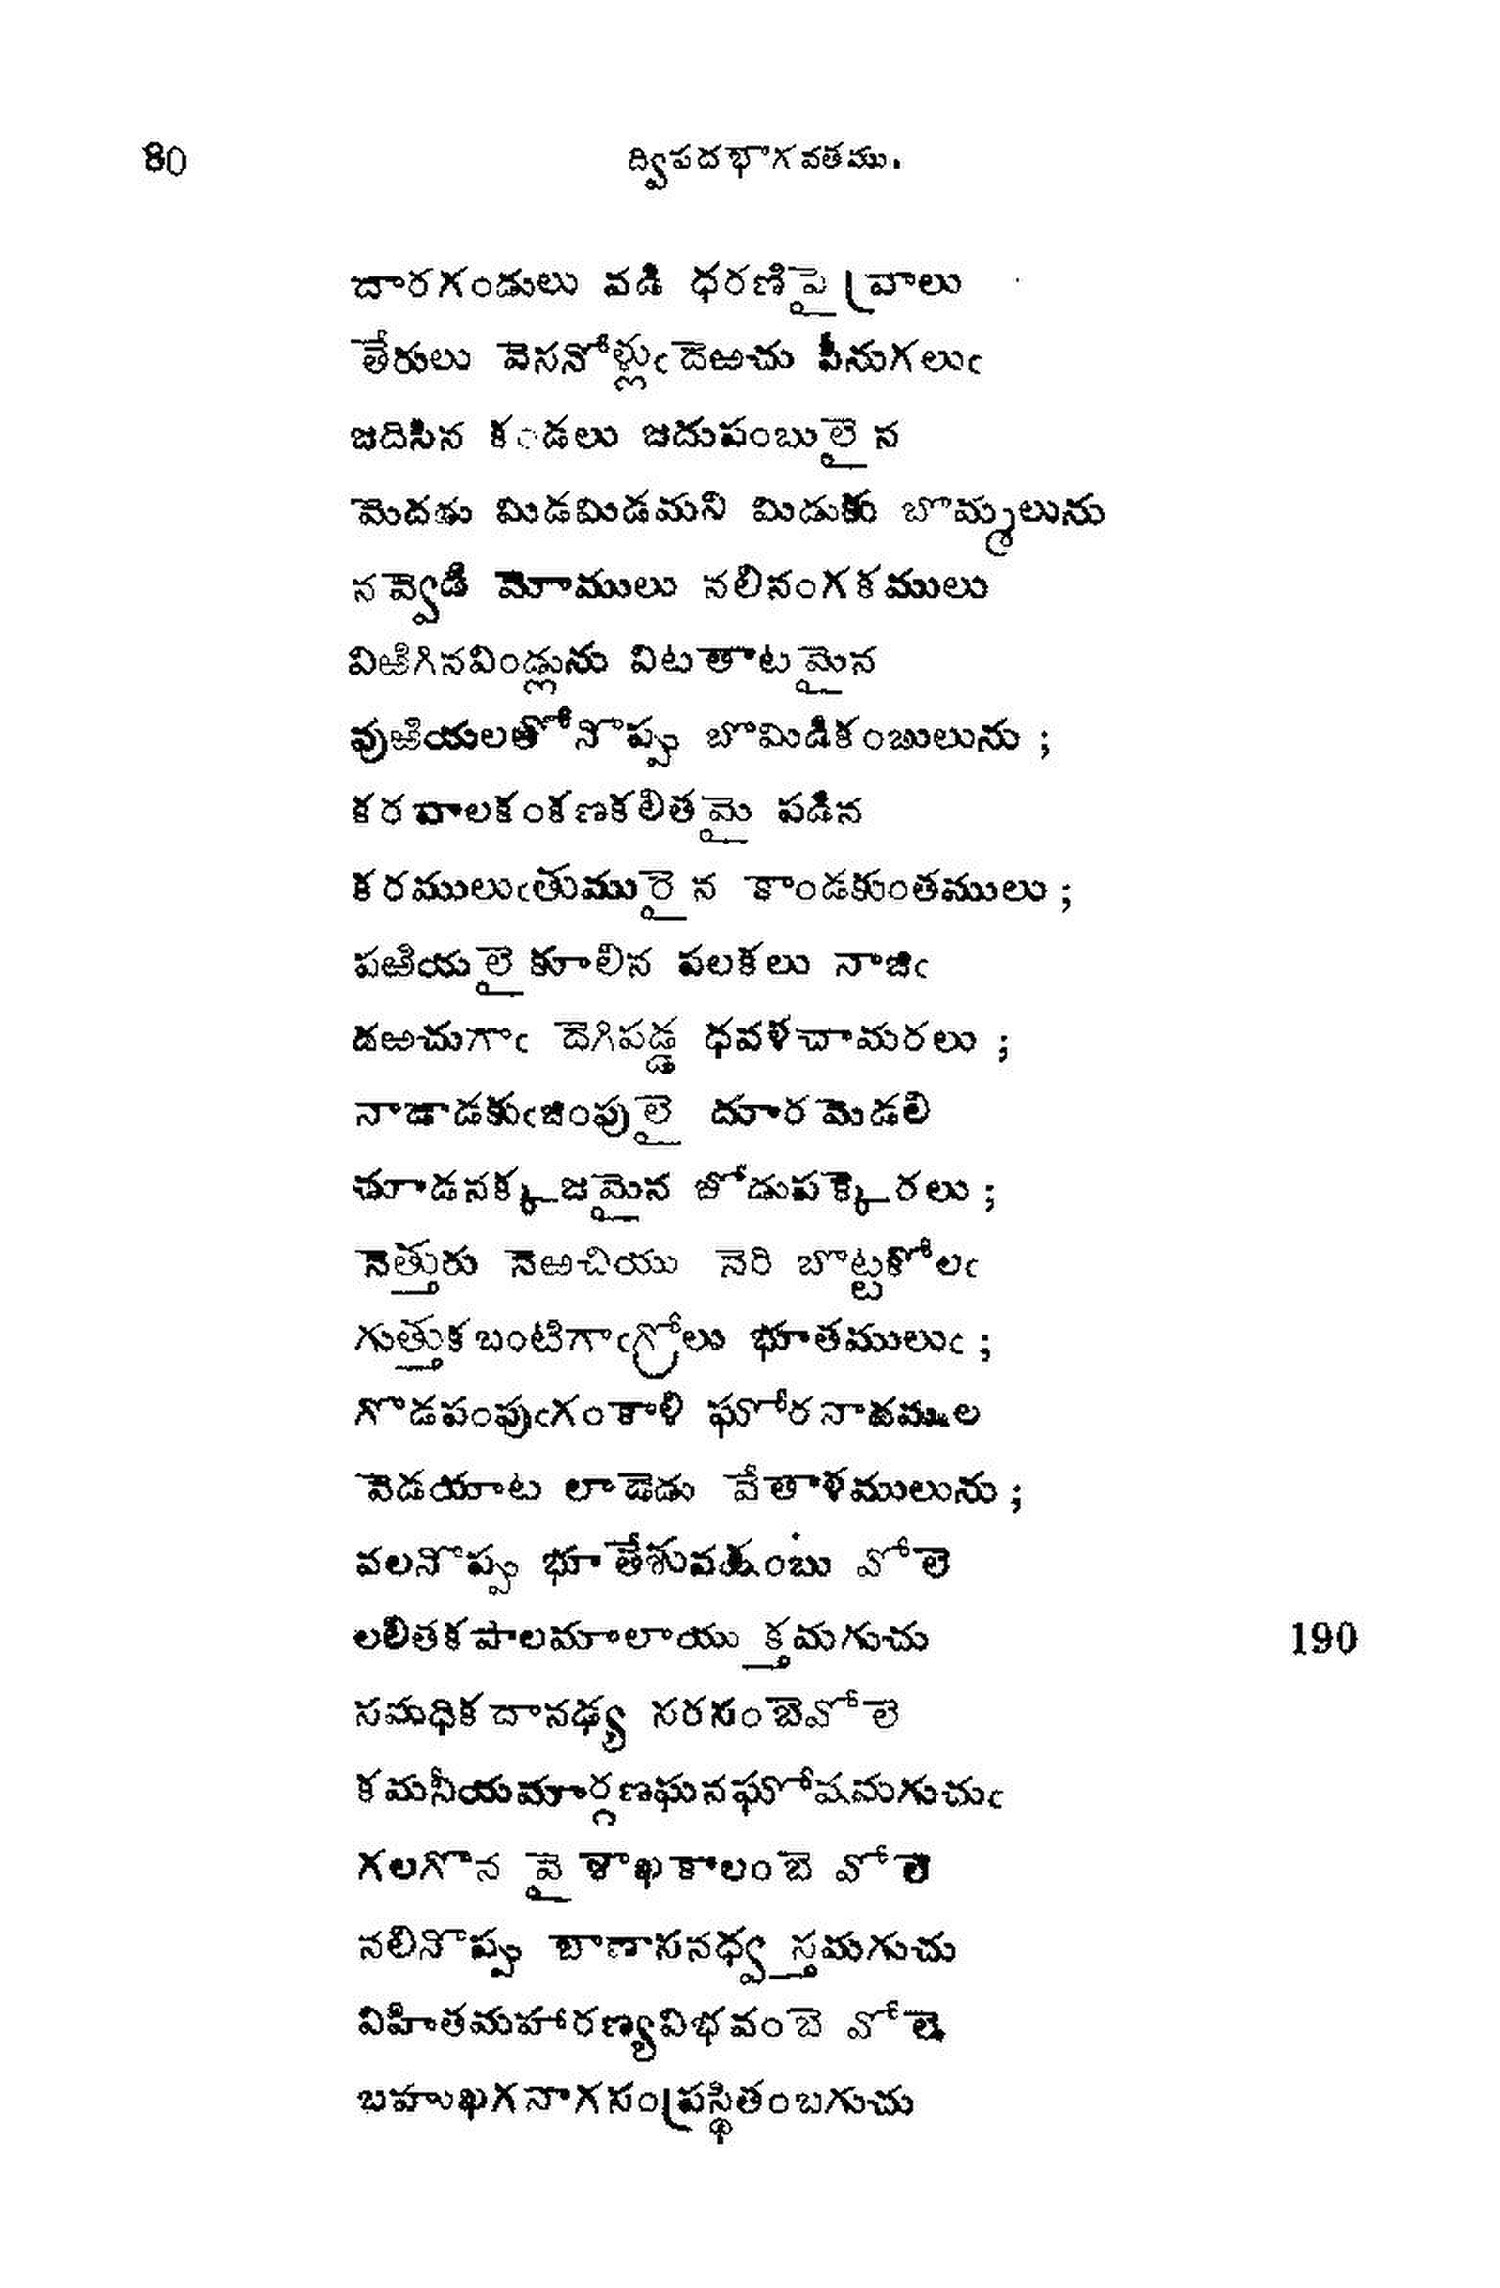దారగండులు వడి ధరణిపై వ్రాలు
తేరులు వెసనోళ్లుఁ దెఱచు పీనుగలుఁ
జదిసిన కండలు జదుపంబులైన
మెదడు మిడమిడమని మిడుకు బొమ్మలును
నవ్వెడి మోములు నలినంగకములు
విఱిగినవిండ్లును విటతాటమైన
వుఱియలతో నొప్పు బోమిడికంబులును;
కరవాలకంకణకలితమై పడిన
కరములుఁ తుమురైన కాండకుంతములు;
పఱియలై కూలిన పలకలు నాజిఁ
దఱచుగాఁ దెగిపడ్డ ధవళచామరలు;
నాడాడకుఁజింపులై దూర మెడలి
చూడనక్కజమైన జోడుపక్కెరలు;
నెత్తురు నెఱచియు నెరి బొట్టకోలఁ
గుత్తుకబంటిగాఁ గ్రోలు భూతములుఁ;
గొడపంపుఁగంకాళి ఘోరనాదముల
వెడయాట లాడెడు వేతాళములును;
వలనొప్పు భూతేశువక్షంబు వోలె
లలితకపాలమాలాయుక్తమగుచు
సమధికదానఢ్య సరసంబెవోలె
కమనీయమార్గణఘనఘోష మగుచుఁ
గలగొన వైశాఖకాలంబె వోలె
నలినొప్పు బాణాసనధ్వస్తమగుచు
విహితమహారణ్యవిభవంబె వోలె
బహుఖగనాగసంప్రస్థితంబగుచు